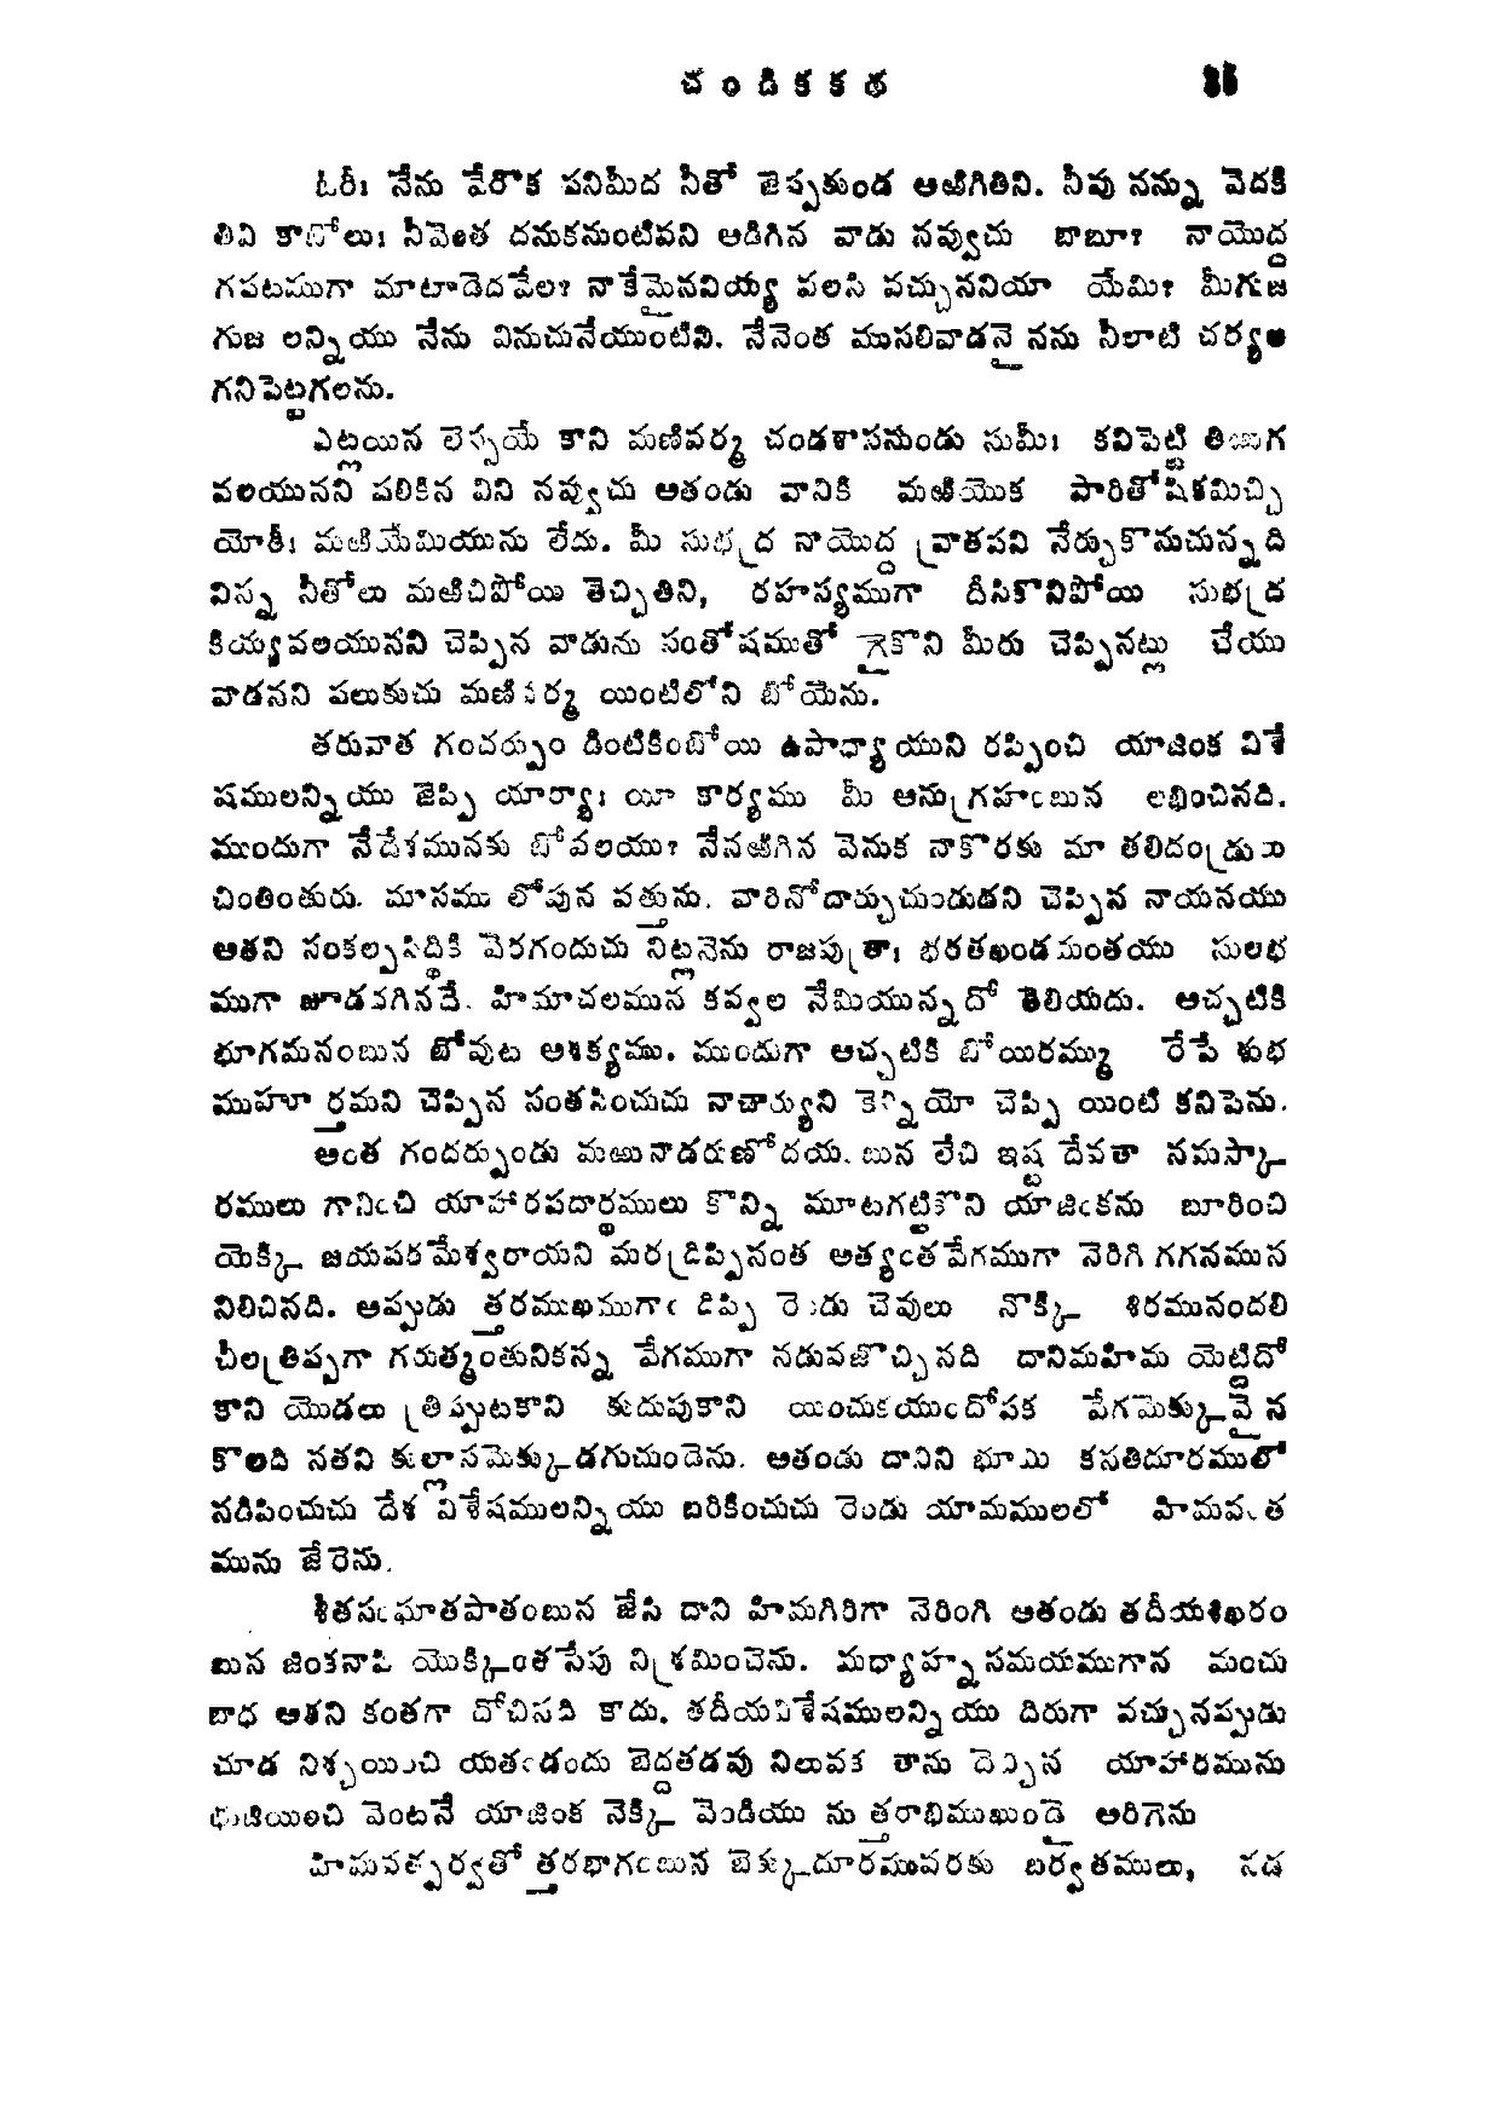ఓరీ! నేను వేరొక పనిమీద నీతో జెప్పకుండ అఱిగితిని. నీవు నన్ను వెదకితివి కాబోలు! నీవెంత దనుకనుంటివని అడిగిన వాడు నవ్వుచు బాబూ? నాయొద్ద గపటముగా మాటాడెదవేల? నాకేమైన నియ్యవలసివచ్చుననియా యేమి? మీగుజుగుజ లన్నియు నేను వినుచునేయుంటిని. నేనెంత ముసలివాడనై నను నీలాటి చర్యల గనిపెట్టగలను.

ఎట్లయిన లెస్సయే కాని మణివర్మ చండశాసనుండు సుమీ! కనిపెట్టి తిఱుగ వలయునని పలికిన విని నవ్వుచు అతండు వానికి మఱియొక పారితోషికమిచ్చి యోరీ! మఱియేమియును లేదు. మీ సుభద్ర నాయొద్ద వ్రాతపని నేర్చుకొనుచున్నది నిన్న నీతోలు మఱిచిపోయి తెచ్చితిని, రహస్యముగా దీసికొనిపోయి సుభద్ర కియ్యవలయునని చెప్పిన వాడును సంతోషముతో గైకొని మీరు చెప్పినట్లు చేయువాడనని పలుకుచు మణివర్మ యింటిలోని బోయెను.

తరువాత గందర్పుం డింటికింబోయి ఉపాధ్యాయుని రప్పించి యాజింక విశేషములన్నియు జెప్పి యార్యా? యీ కార్యము మీ అనుగ్రహంబున లభించినది. ముందుగా నేదేశమునకు బోవలయు? నేనఱిగిన వెనుక నాకొరకు మా తలిదండ్రులు చింతింతురు. మాసము లోపున వత్తును. వారినోదార్చుచుండుడని చెప్పిన నాయనయు అతని సంకల్పసిద్దికి వెరగందుచు నిట్లనెను రాజపుత్రా! భరతఖండమంతయు సులభముగా జూడదగినదే. హిమాచలమున కవ్వల నేమియున్నదో తెలియదు. అచ్చటికి భూగమనంబున బోవుట అశక్యము. ముందుగా అచ్చటికి బోయిరమ్ము రేపే శుభముహూర్తమని చెప్పిన సంతసించుచు నాచార్యుని కెన్నియో చెప్పి యింటి కనిపెను.

అంత గందర్పుండు మఱునా డరుణోదయంబున లేచి ఇష్టదేవతానమస్కారములు గావించి యాహారపదార్ధములు కొన్ని మూటగట్టికొని యాజింకను బూరించి యెక్కి జయపరమేశ్వరా యని మర ద్రిప్పినంత అత్యంతవేగముగా నెగిరి గగనమున నిలిచినది. అప్పు డుత్తరముఖముగాఁ దిప్పి రెండు చెవులు నొక్కి శిరమునందలి చీలత్రిప్పగా గరుత్మంతునికన్న వేగముగా నడువజొచ్చినది దానిమహిమ యెట్టిదో కాని యొడలు త్రిప్పుటకొని కుదుపుకాని యించుకయుం దోపక వేగ మెక్కువైన కొలది నతని కుల్లాస మెక్కుడగుచుండెను. అతండు దానిని భూమి కనతిదూరములో నడిపించుచు దేశవిశేషములన్నియు బరికించుచు రెండు యామములలో హిమవంతమును జేరెను.

శీతసంఘాతపాతంబున జేసి దాని హిమగిరిగా నెరింగి ఆతండు తదీయశిఖరంబున జింకనాపి యొక్కింతసేపు విశ్రమించెను. మధ్యాహ్నసమయముగాన మంచుబాధ అతని కంతగా దోచినది కాదు. తదీయవిశేషము లన్నియు దిరుగా వచ్చునప్పుడు చూడ నిశ్చయించి యతండందు బెద్దతడపు నిలువక తాను దెచ్చిన యాహారమును భుజియించి వెంటనే యాజింక నెక్కి వెండియు నుత్తరాభిముఖుండై అరిగెను.

హిమవత్పర్వతోత్తరభాగంబున బెక్కుదూరమువరకు బర్వతములు, నడ